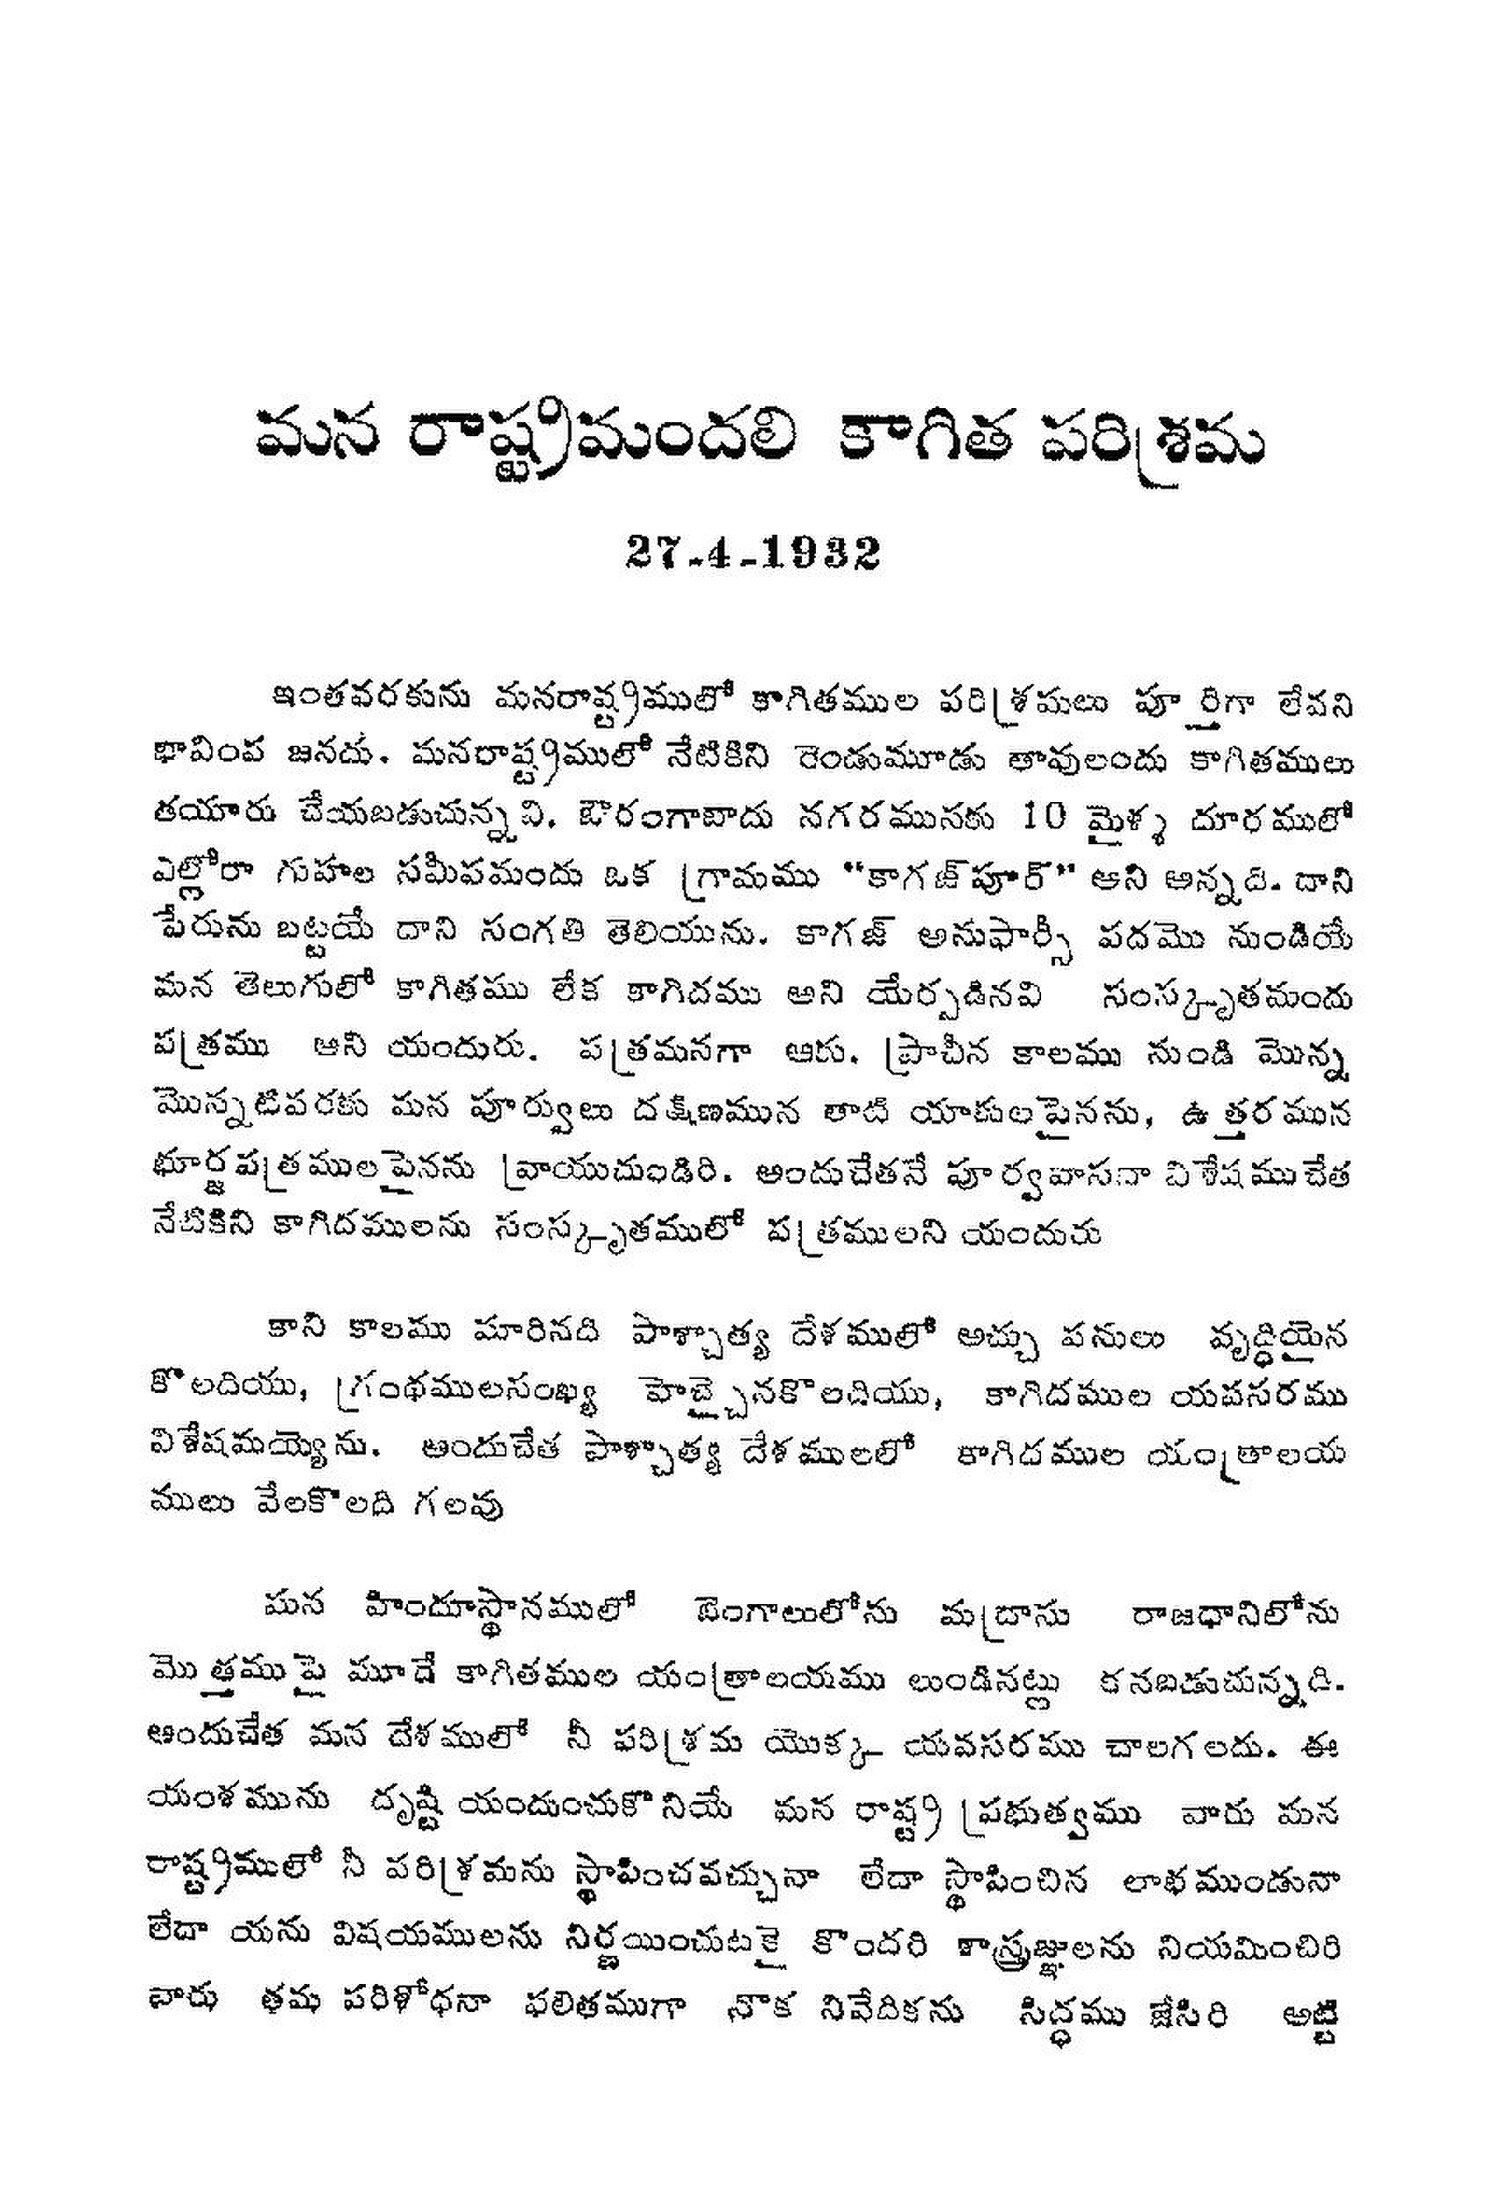మన రాష్ట్రమందలి కాగిత పరిశ్రమ

27 - 4 - 1932

ఇంతవరకును మనరాష్ట్రములో కాగితముల పరిశ్రమలు పూర్తిగా లేవని భావింప జనదు. మనరాష్ట్రములో నేటికిని రెండుమూడు తావులందు కాగితములు తయారు చేయబడుచున్నవి. ఔరంగాబాదు నగరమునకు 10 మైళ్ళ దూరములో ఎల్లోరా గుహల సమీపమందు ఒక గ్రామము "కాగజ్‌పూర్ " అని అన్నది. దాని పేరును బట్టయే దాని సంగతి తెలియును. కాగజ్ అనుఫార్సీ పదము నుండియే మన తెలుగులో కాగితము లేక కాగిదము అని యేర్పడినవి సంస్కృతమందు పత్రము అని యందురు. పత్రమనగా ఆరు. ప్రాచీన కాలము నుండి మొన్న మొన్నటివరకు మన పూర్వులు దక్షిణమున తాటి యాకులపైనను, ఉత్తరమున భూర్జపత్రములపైనను వ్రాయుచుండిరి. అందుచేతనే పూర్వవాసనా విశేషముచేత నేటికిని కాగిదములను సంస్కృతములో పత్రములని యందురు

కాని కాలము మారినది పాశ్చాత్య దేశములో అచ్చు పనులు వృద్ధియైన కొలదియు, గ్రంథములసంఖ్య హెచ్చైనకొలదియు, కాగిదముల యవసరము విశేషమయ్యెను. అందుచేత పాశ్చాత్య దేశములలో కాగిదముల యంత్రాలయములు వేలకొలది గలవు

మన హిందూస్థానములో బెంగాలులోను మద్రాసు రాజధానిలోను మొత్తముపై మూడే కాగితముల యంత్రాలయము లుండినట్లు కనబడుచున్నది. అందుచేత మన దేశములో నీ పరిశ్రమ యొక్క యవసరము చాలగలదు. ఈ
యంశమును దృష్టి యందుంచుకొనియే మన రాష్ట్ర ప్రభుత్వము వారు మన రాష్ట్రములో నీ పరిశ్రమను స్థాపించవచ్చునా లేదా స్థాపించిన లాభముండునా లేదా యను విషయములను నిర్ణయించుటకై కొందరి శాస్త్రజ్ఞులను నియమించిరి వారు తమ పరిశోధనా ఫలితముగా నొక నివేదికను సిద్ధము జేసిరి అట్టి